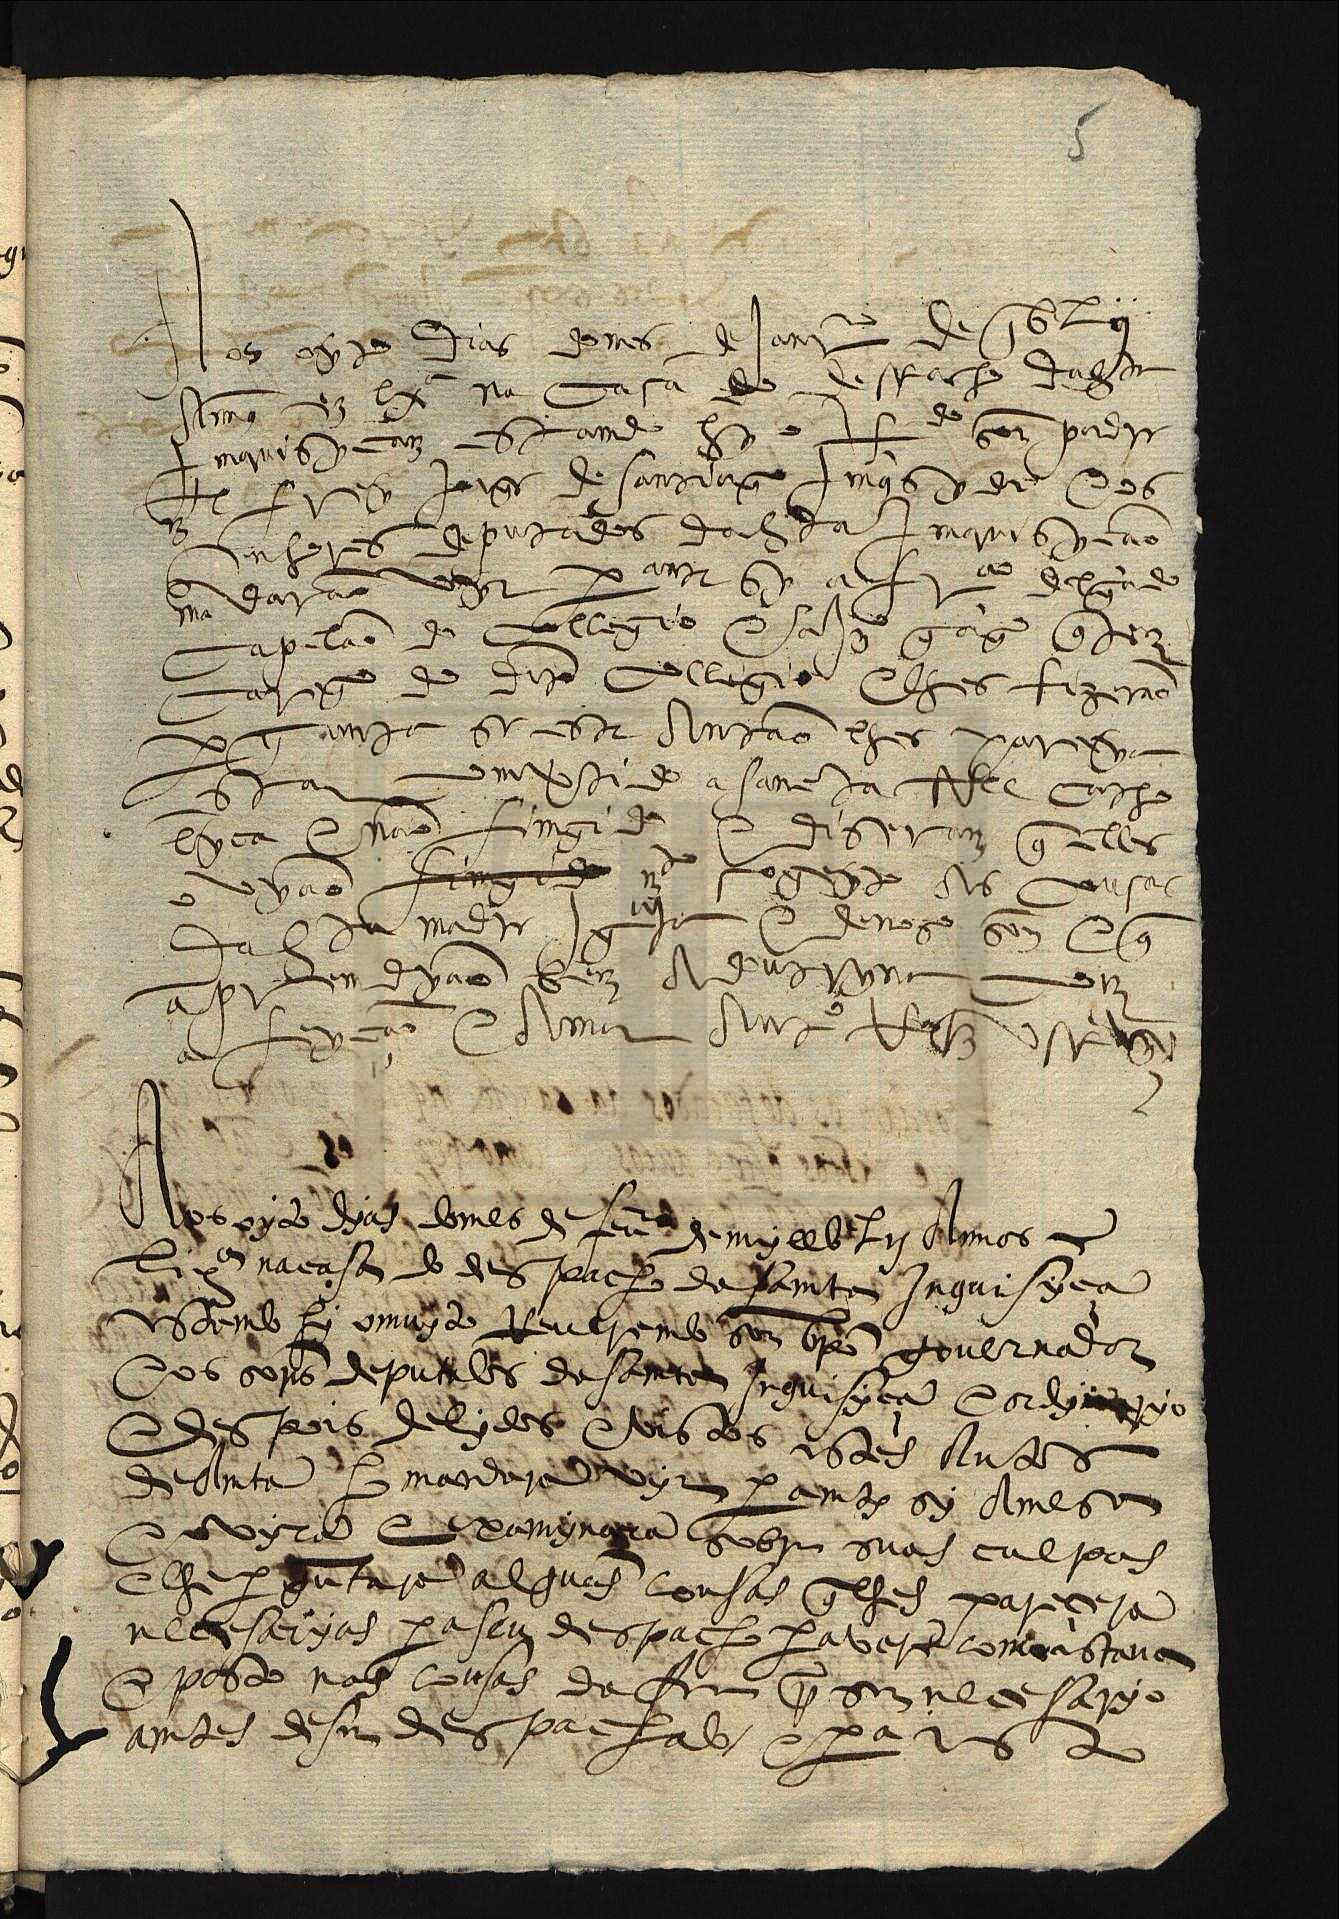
Aos oyto dias do mes de Janro de j̄ bc Lij
An̄nꝯ em lxa na Casa do despacho da Sta
Jmquisyçam estamdo hy o Rdo sōr padre
mte frey Jorge de santiago Jmq̄sydor e os
Senhores deputados da Sta Jmquisyção
mādarão vyr ꝑante sy a frco delgado
Capelão do Collegio e a Jmo gago q̄ tem
carego do dīto Collegio e lhes fizerão
ꝑgumta se este Antaõ lhes parecya
estar Comꝟetido a sancta ffee catho
lyca e não fimgido e diseram q̄ elles
o vyão fimgido mto sogeyto As Cousas
da Sta madre JḡJa e de noso s̄or e q̄
apremdyão bem A doutryna Com
afeyção e Amor Anto Roj̄z o sp̄vy
Aos oyto dyas do mes de feuro de myll bc Lij Annos ē
lixa na casa do despacho da samta Jnquisyçā
estamdo hy o muyto Reuerendo sōr bpō gouernador
e os sor̄s deputados da samta Jnquisyçā e ordynaryo
e despois de lydos e vistos estes Autos
de Antā ho mandarā vyr ꝑamte sy A mesa
e o vyrā e examynarā sobre suas culpas
e lhe ꝑgūtarā alguās cousas q̄ lhes parecerā
necesaryas ꝑa seu despacho ꝑa verē como estaua
ēposto nas cousas da fee p̄o ser necesaryo
amtes de ser despachado / e ꝑa isto
